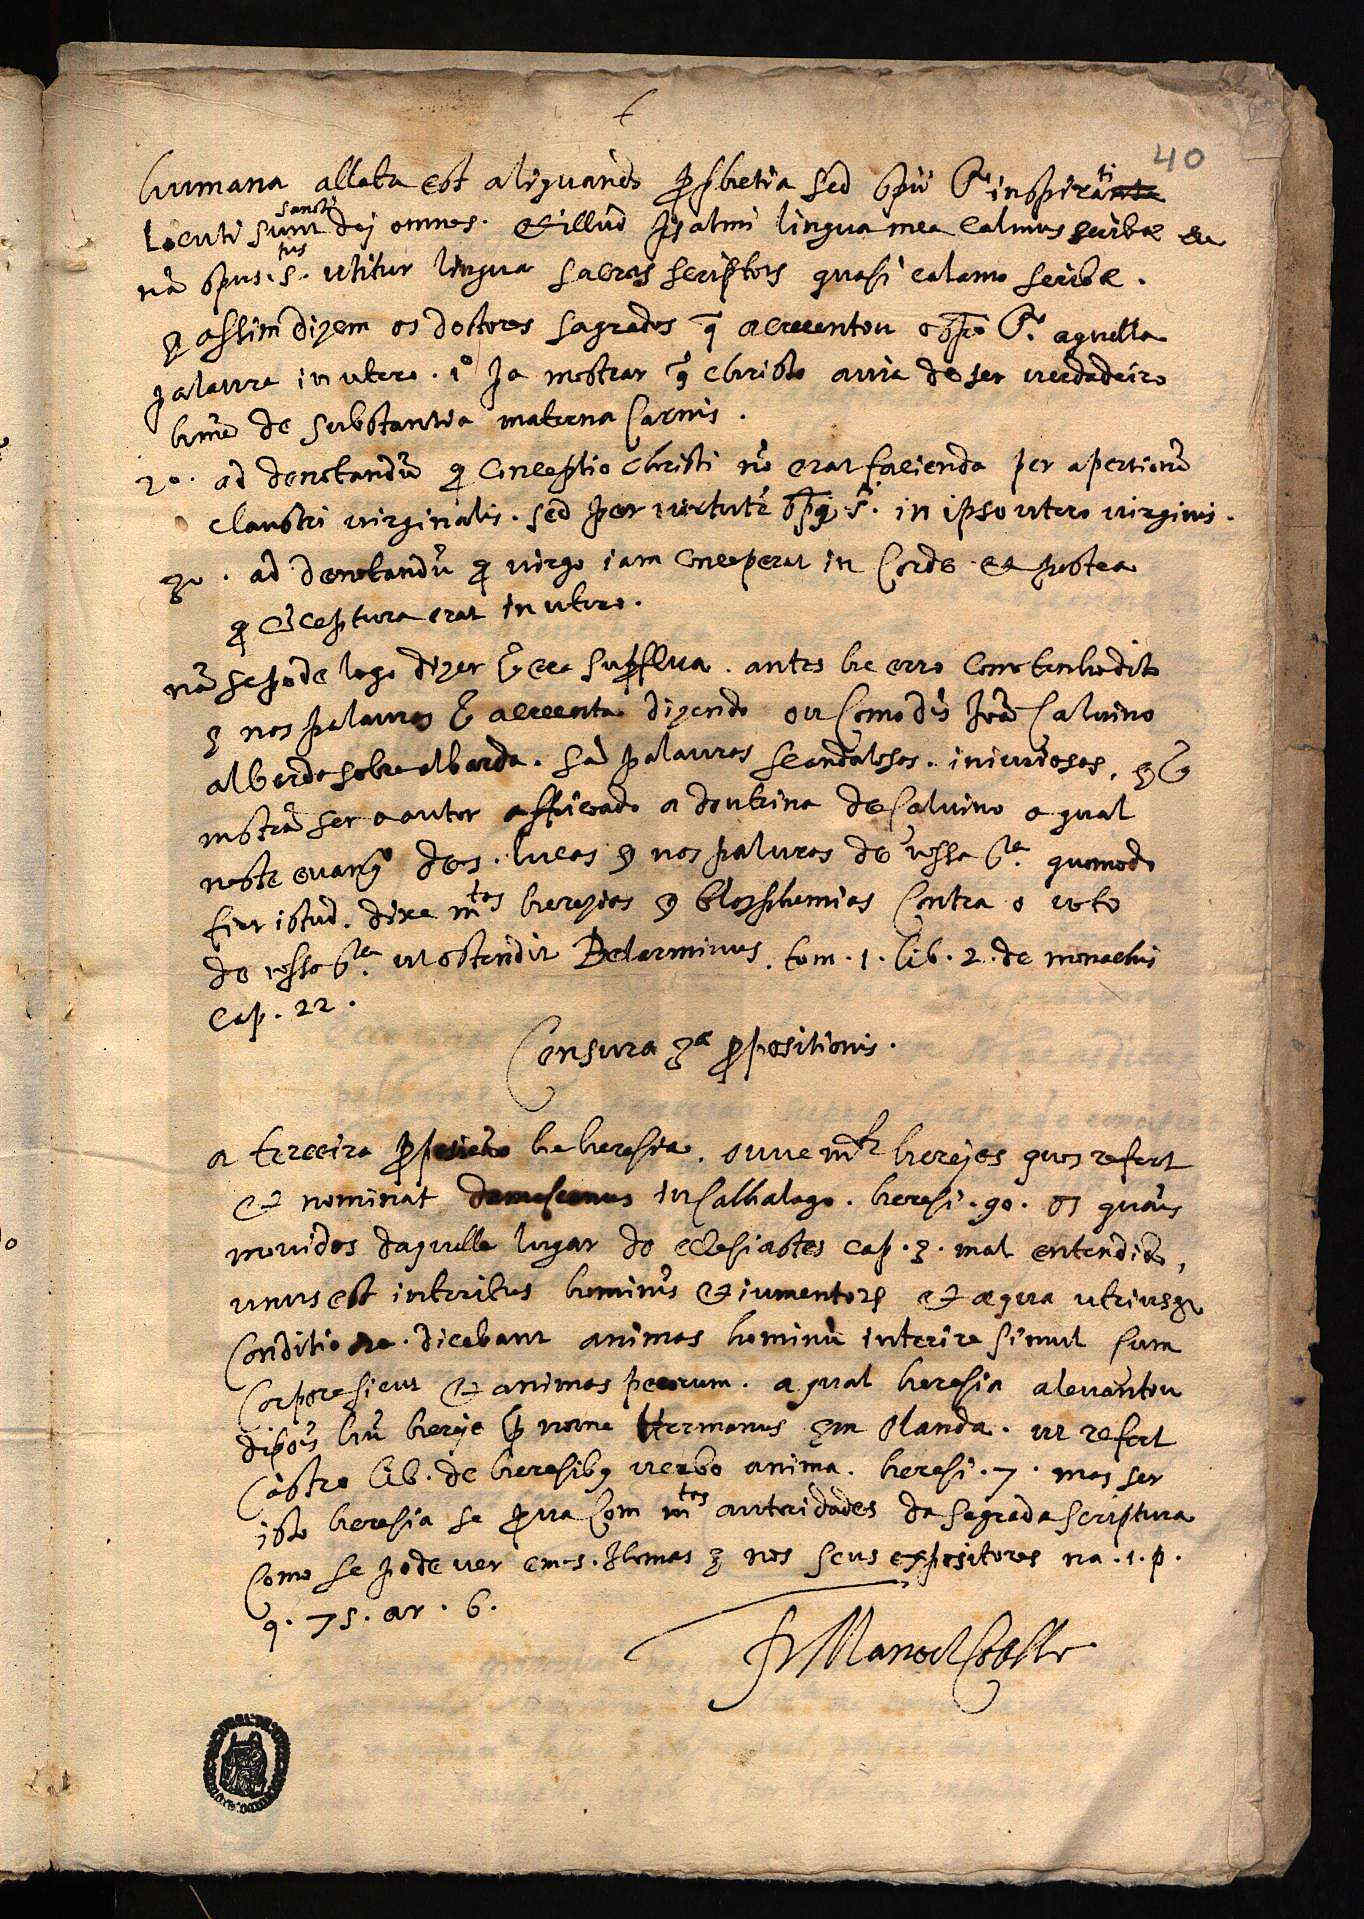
humana allata est aliquando ꝓphetia sed spū sto inspirati
locuti sunt sancti dej omnes. & illud psalmi lingua mea calmus scribæ &c.
nā spus. s.tus utitur lingua sacraꝝ scriptoꝝ quasi calamo scribæ.
E assim dizem os doctores sagrados q̄ acrecentou o sp̄o s.to aquella
palaura in utero. 1o pa mostrar q̄ christo auia de ser uerdadeiro
hmē de substantia materna Carnis.
2o. ad denotandū ꝙ conceptio christi nō erat facienda per apertionē
claustri virginalis. sed per uirtutē sp̄ꝯ s.ti in ipso utero uirginis.
3o. ad denotandū ꝙ uirgo iam conceperat in Corde. & postea
ꝙ cōceptura erat in utero.
naõ se pode logo dizer q̄ era suꝑflua. antes he erro como tenho dito
E nas palauras q̄ acrecenta dizendo ou Como dis Joaõ Caluino
albarda sobre albarda. saõ palauras scandalosas. iniuriosas, E q̄
mostraõ ser o autor affeiçoado a doutrina de Caluino o qual
neste euango de s. lucas e nas paluras de nossa s.ra quo modo
fiat istud. dixe mtas herezias e blasphemias Contra o uoto
de nossa s.ra ut ostendit Belarminus. tom. 1. lib. 2. de monachis
cap. 22.
Censura 3a ꝓpositionis.
a terceira ꝓposiçaõ he heresia. ouue m.tos herejes quos refert
& nominat damascenus in Cathalogo. heresi. 90. os quaes
mouidos daquelle lugar do eclesiastes cap. 3. mal entendido,
unus est interitus hominis & iumentoꝝ & æqua utriusque
Conditione dicebant animas hominū interire simul Cum
Corpore sicut & animas pecarum. a qual heresia aleuantou
dipois hū hereje p̄o nome Hermanus Em Olanda. ut refert
Castro lib. de heresibꝯ uerbo anima. heresi. 7. mas ser
isto heresia se ꝓua Com mtas autoridades da sagrada scriptura
Como se pode uer em s. Thomas E nos seus expositores na .1. p.
9. 75. ar. 6.
fr Manoel Coelho
